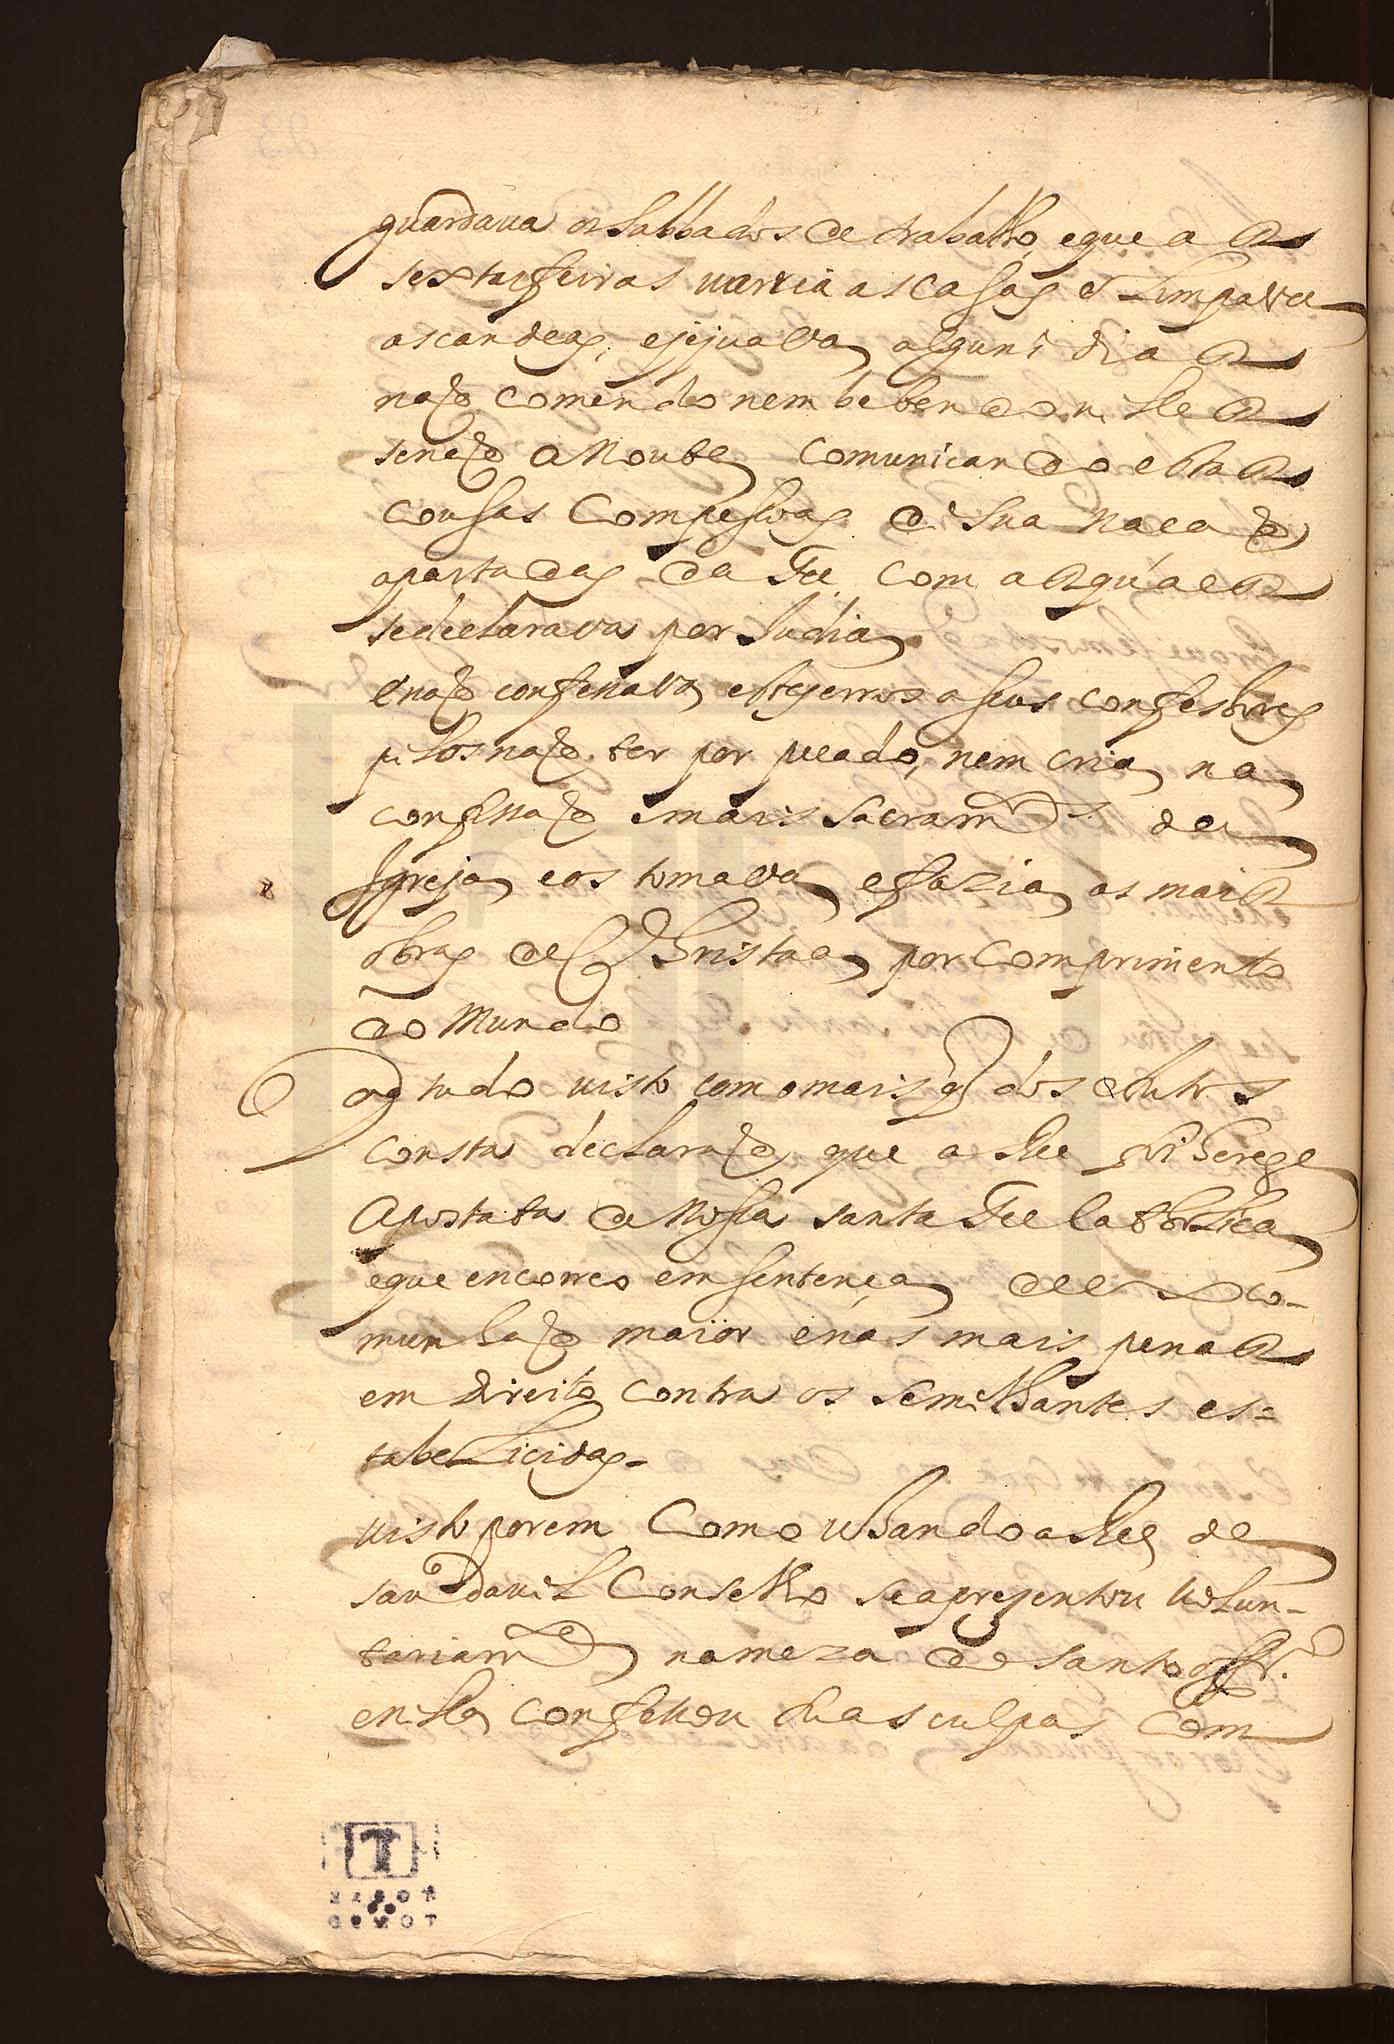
guardaua os Sabbados de trabalho, e que as
sextas feiras uarria as casas e Limpava
as candeas, e jejuava alguns dias
naõ comendo nem bebendo nelles
senaõ a noute comunicando estas
cousas com pessoas de sua naçaõ
apartadas da Fee com as quaes
se declarava por Iudia
E naõ confessava estes erros a seus confessores
pelos naõ ter por pecado, nem cria na
confessaõ e mais sacramtos. da
Jgreja e os tomava e fazia as mais
obras de Chistaa por comprimento
ao mundo
o q̅ tudo uisto com o mais q̅ dos Autos
consta declarãaõque a Ree foi herege
apostata de nossa santa Fee CathoLica
e que encorreo em sentença de exco
munhaõ maior e nas mais penas
em Direito contra os semelhantes es
tabeLicidas.
uisto porem como usando a Ree de
saudaueL conselho se aprezentou uolun
tariamte na meza do santo off.o
e nella confessou suas culpas com
